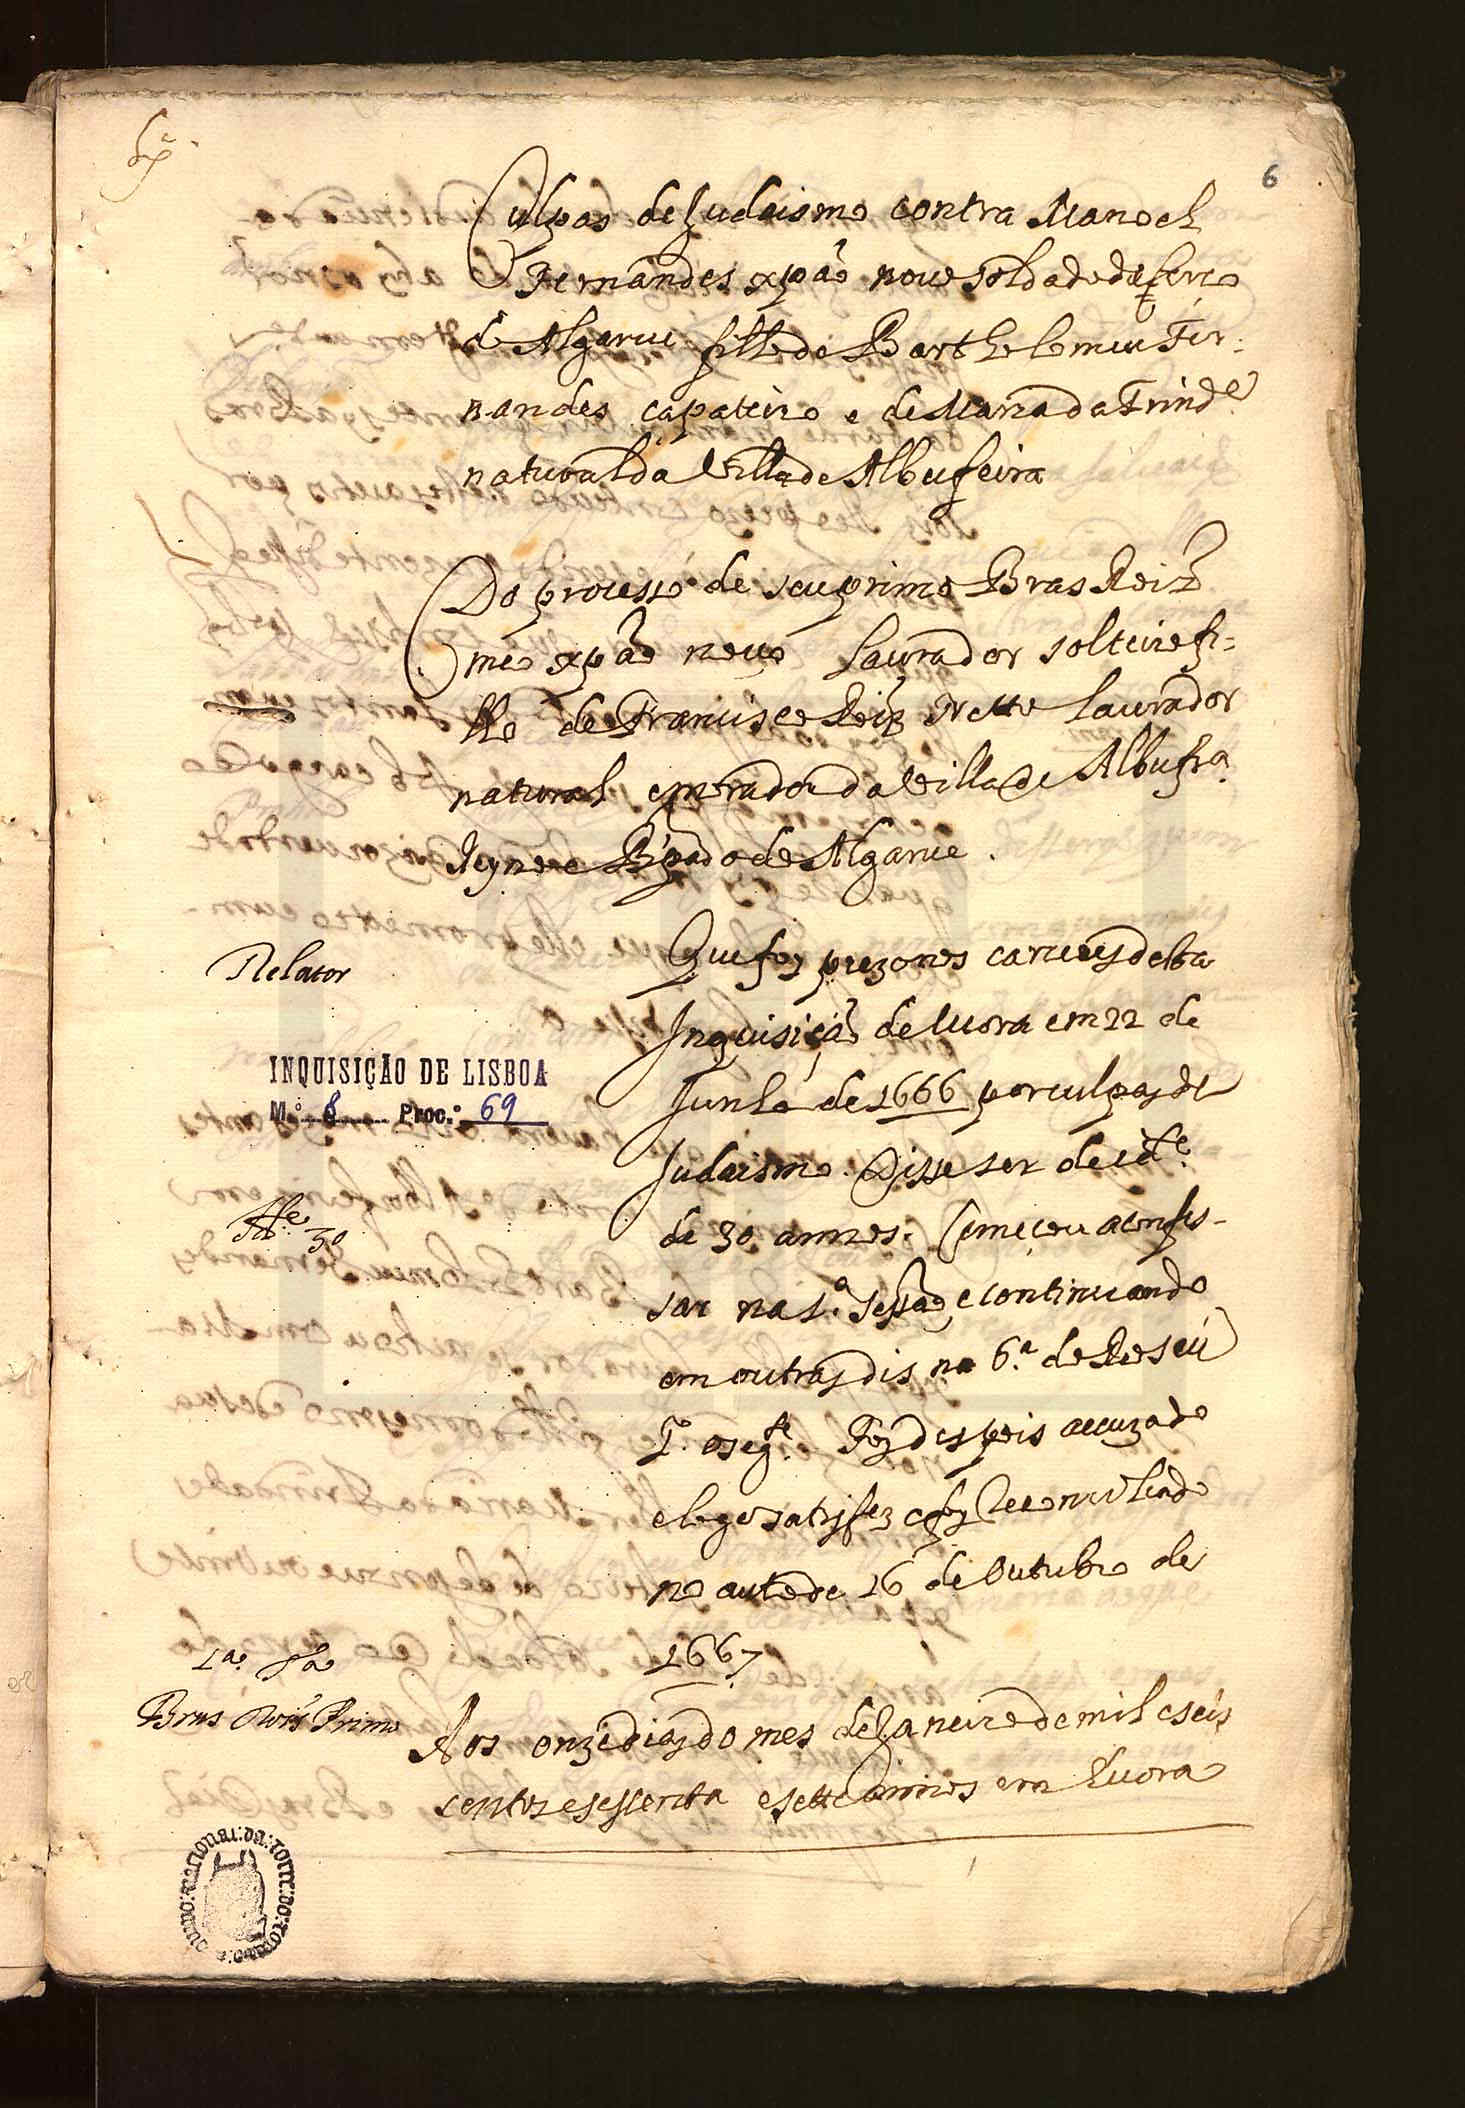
Lxa
Culpas de Judaismo contra Manoel
Fernandes xpaõ nouo soldado do terço
do Algarue filho de Bartholomeu Fer
nandes çapateiro e de Maria da Trind.e
natural da Villa de Albufeira
Do processo de seu primo Bras Roiz̄
meo xpaõ nouo Lavrador solteiro fi
lho de Francisco Roiz̄ Netto laurador
natural e morador da Villa de Albufr.a
Reyno e Bispado do Algarue.
Relator
Que foy prezo nos carceres desta
Jnquisiçaõ de Euora em 22 de
Junho de 1666 por culpas de
Judaismo. Disse ser de id.e
de 30 annos. Começou a confes
Id.e 30
sar na 1.a sessão, e continuando
em outras dis na 6.a do Reo seu
t.o o seg.te Foy despois accuzado
e logo satisfez e foy Reconceleado
no auto de 16 de Outubro de
1667.
1.a Ta
Bras Rois̄ Primo
Aos onze dias do mes de Janeiro de mil e seis
sentos e sessenta e sette annos em Euora
